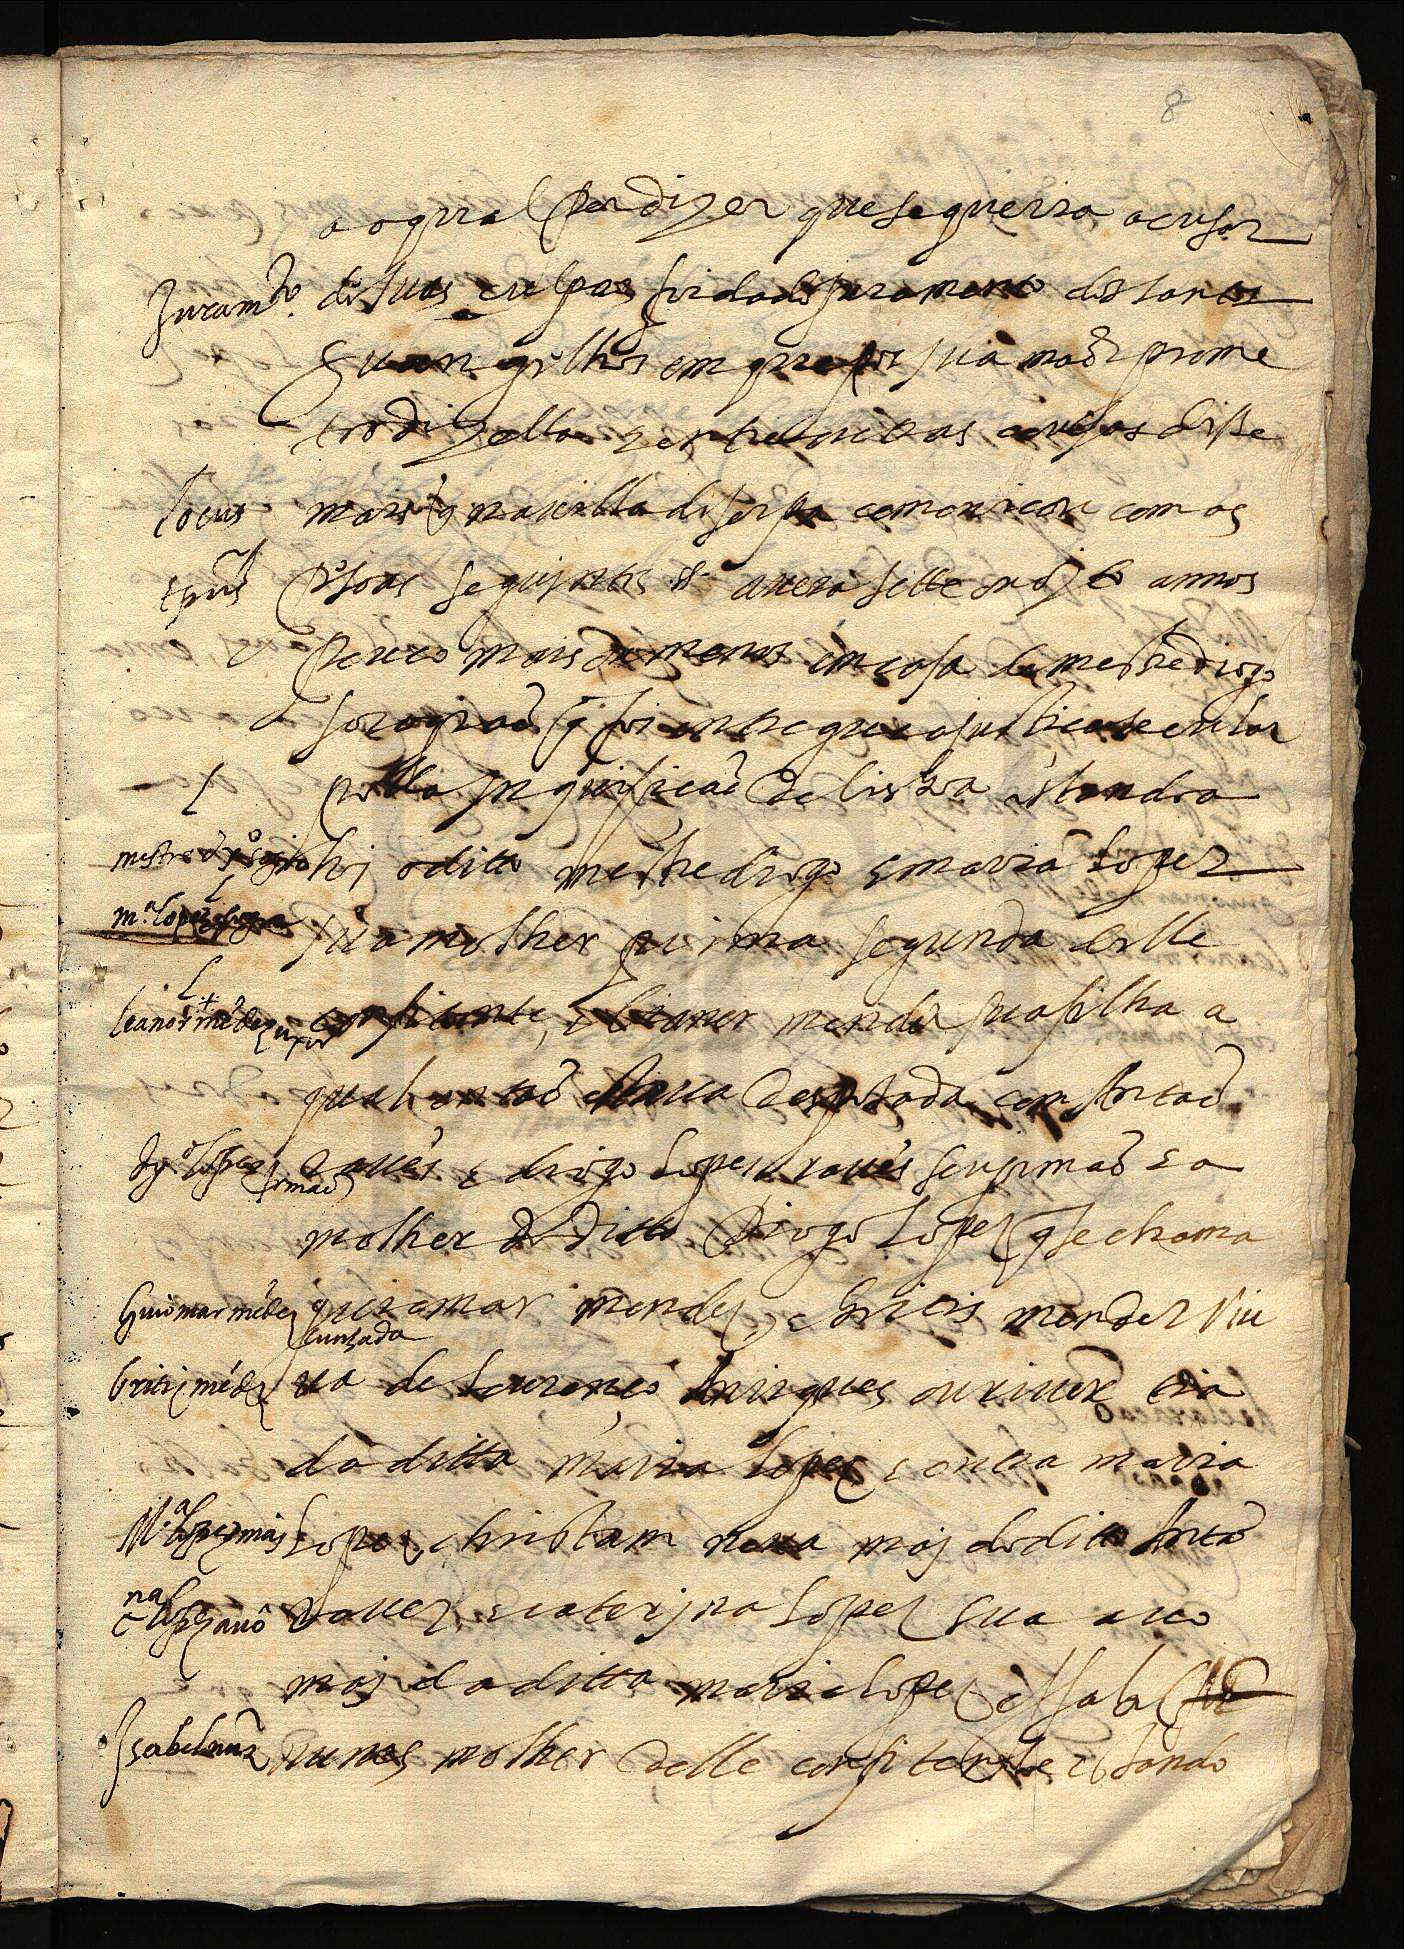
ao qual por dizer que se queira acusar
de suas culpas foi dado juramento dos santos
Euangelhos em que pos sua maõ prome
teo dizella E entre outras cousas disse
mais q̄ na uilla de serpa comonicou com as
pesoas seguintes .ss. auera sette ou ojto annos
pouco mais ou menos em casa de mestre diogo
sorojiaõ q̄ foi entregue a justiça secular
polla jnquisiçaõ de lisboa estando a
hj o ditto mestre diogo E maria lopez
sua molher prima segunda delle
confitente, E lianor mendez sua filha a
qual entaõ estaua desposada com Antaõ
rauēs E diogo lopes rauēs seu jrmaõ E a
molher do ditto Diogo Lopez q̄ se chama
guiomar mendez, e britis mendez viu
ua de lourenço Anriques ouriuex tia
da ditta maria lopez E outra maria
Lopez christam noua maj do ditto Antaõ
rauez E caterjna Lopez sua auo
maj da ditta maria lopez e Jsabel frz̄
nunes molher delle confitente estando
Juramto.
locus
tpūs
mestre dyo sogro
m.a lopes sogra
leanor mēdez uxor
dyo. lopez Irmaõ
Guiomar mēdez
cunhada
britiz mēdez
Ma lopez maj
cna lopez auô
Jsabel nuz̄
